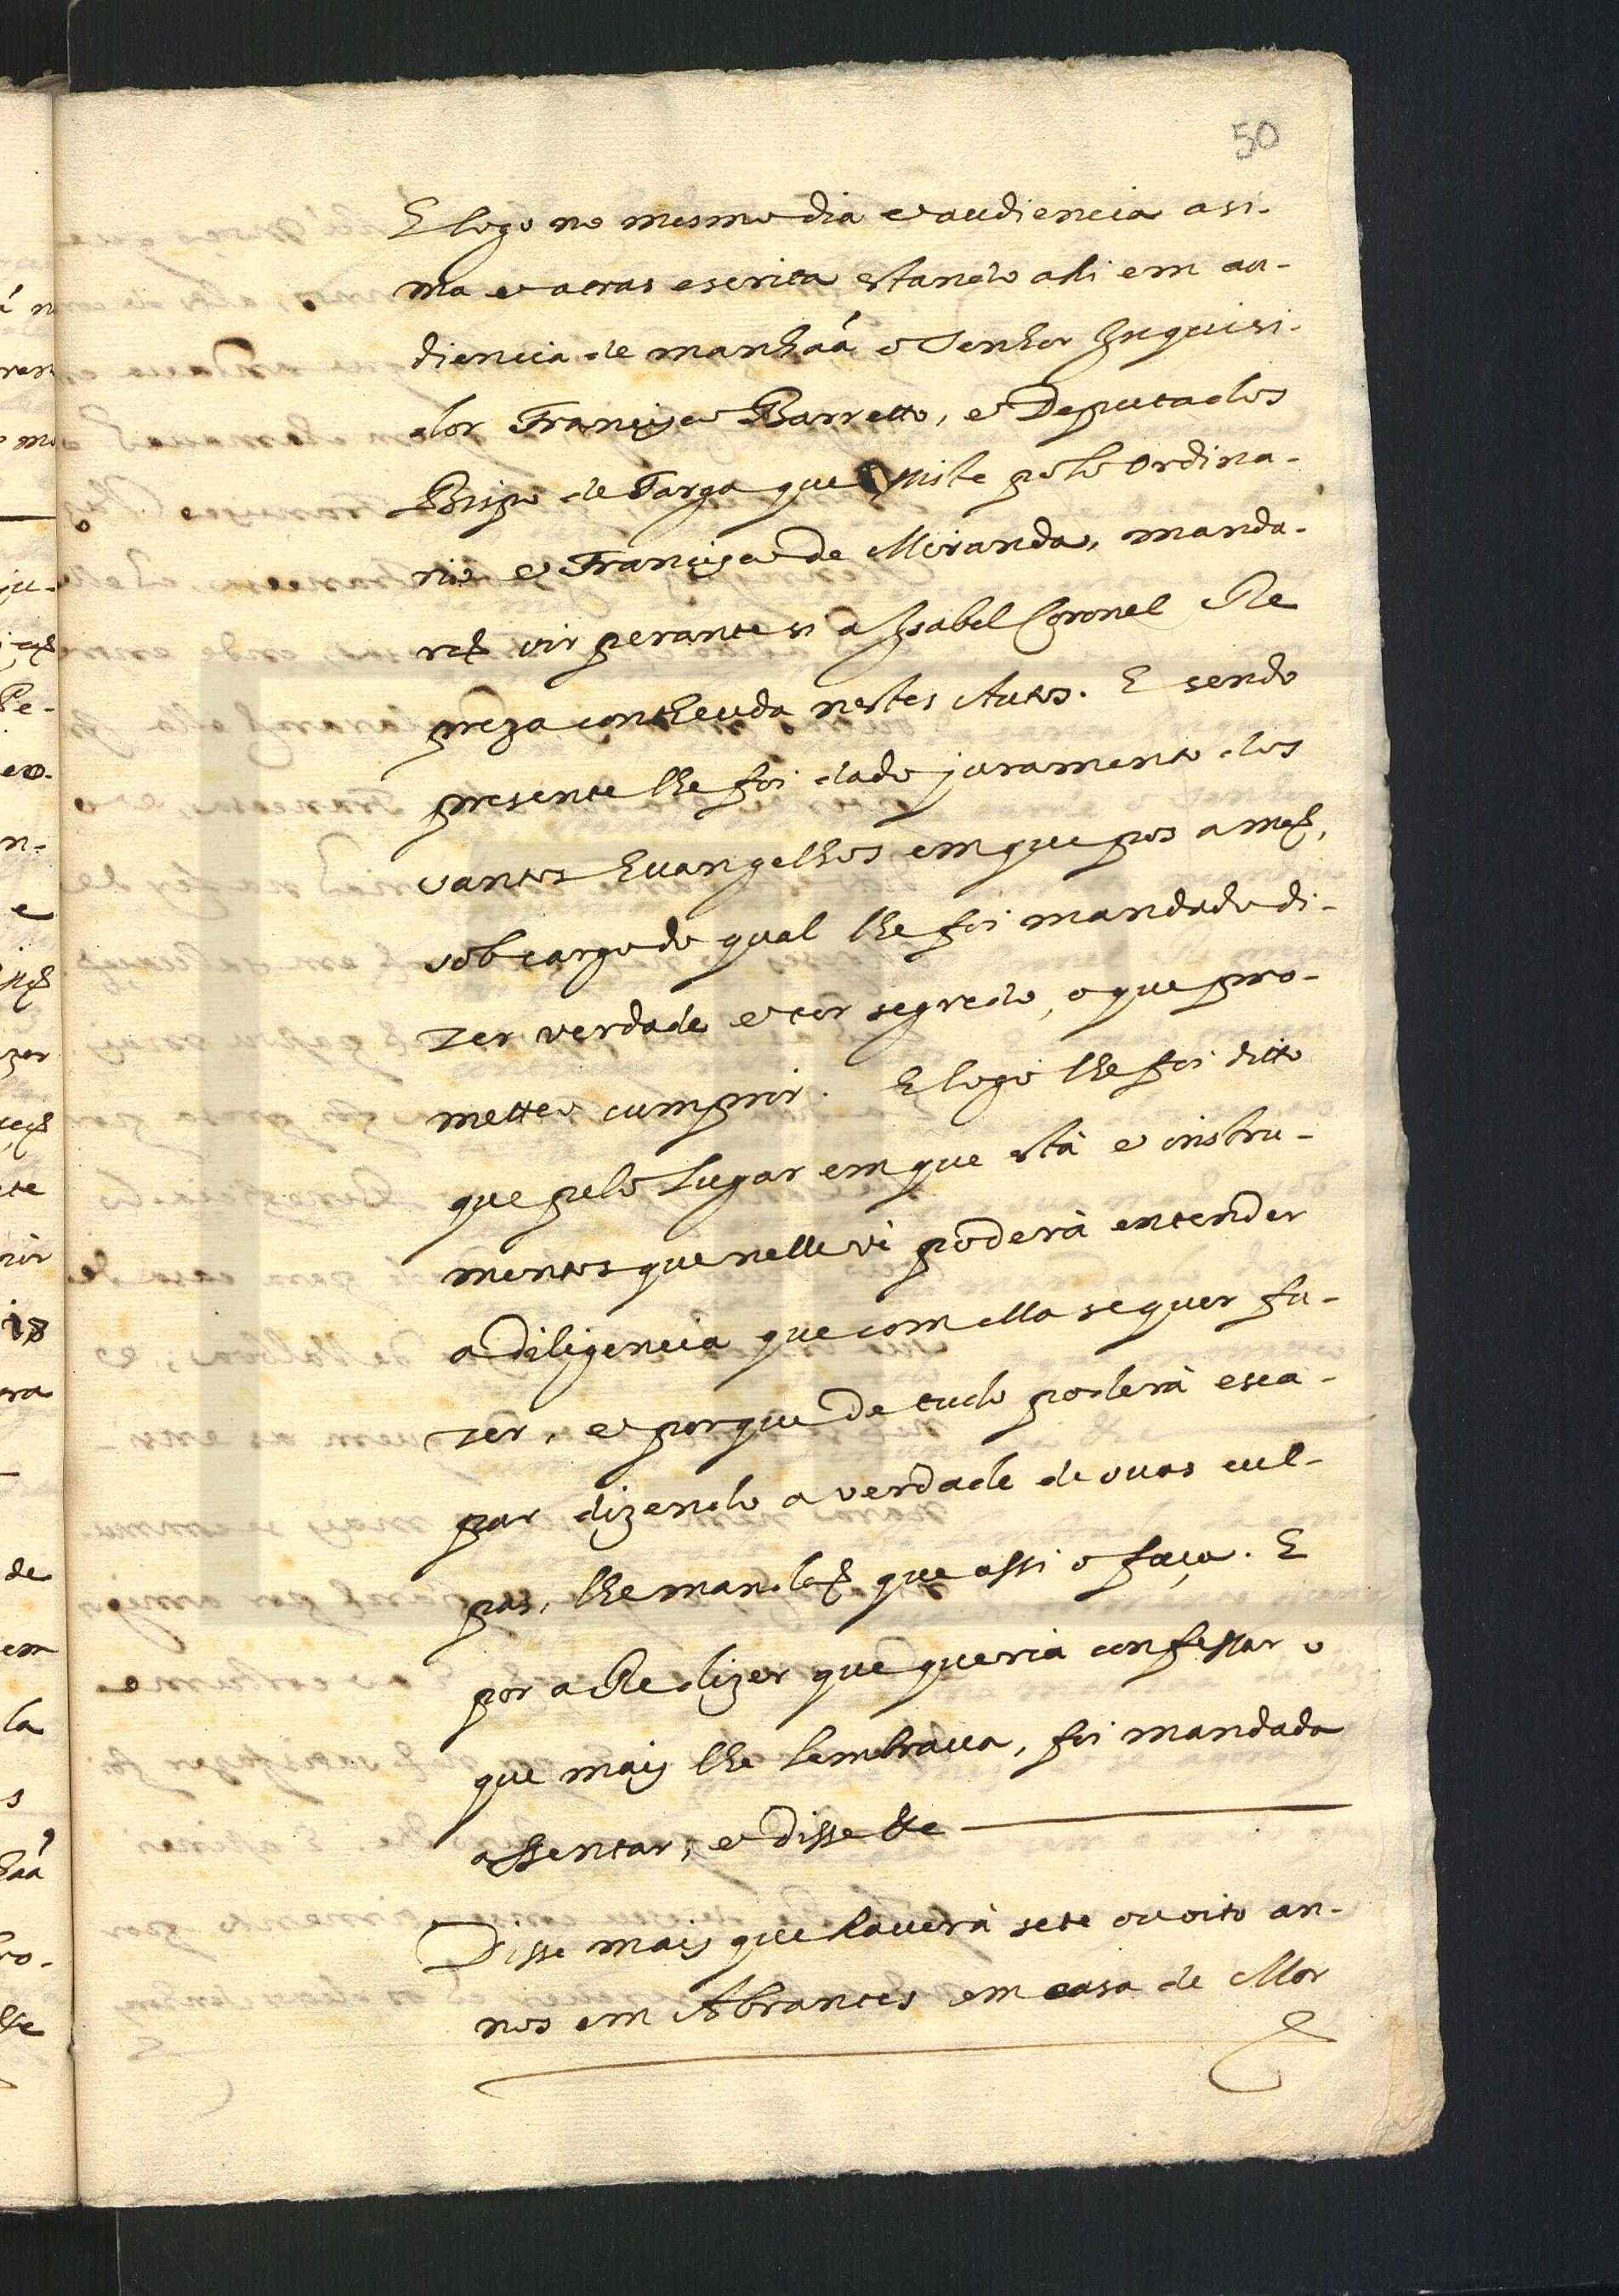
E logo no mesmo dia e audiencia asi
ma e atras escrita estando ahi em au
diencia de manhaã o senhor Jnquisi
dor Francisco Barretto, e Deputados
Bispo de Targa que _ssiste polo ordina
rio e Francisco de Miranda, manda
raõ vir perante si a Jsabel Coronel Re
preza contheuda nestes Autos. E sendo
presente lhe foi dado juramento dos
santos Euangelhos em que pos a maõ,
sob cargo do qual lhe foi mandado di
zer verdade e ter segredo, o que pro
metteo cumprir. E logo lhe foi ditto
que pelo lugar em que está e instru
mentos que nelle vi poderá entender
a diligencia que com ella se quer fa
zer, e porque de tudo poderá esca
par dizendo a verdade de suas cul
pas, lhe mandaõ que assi o faça. E
por a Re dizer que queria confessar o
que mais lhe lembraua, foi mandada
assentar, e disse &c
Disse mais que hauerá sete ou oito an
nos em Abrantes em casa de Mor
